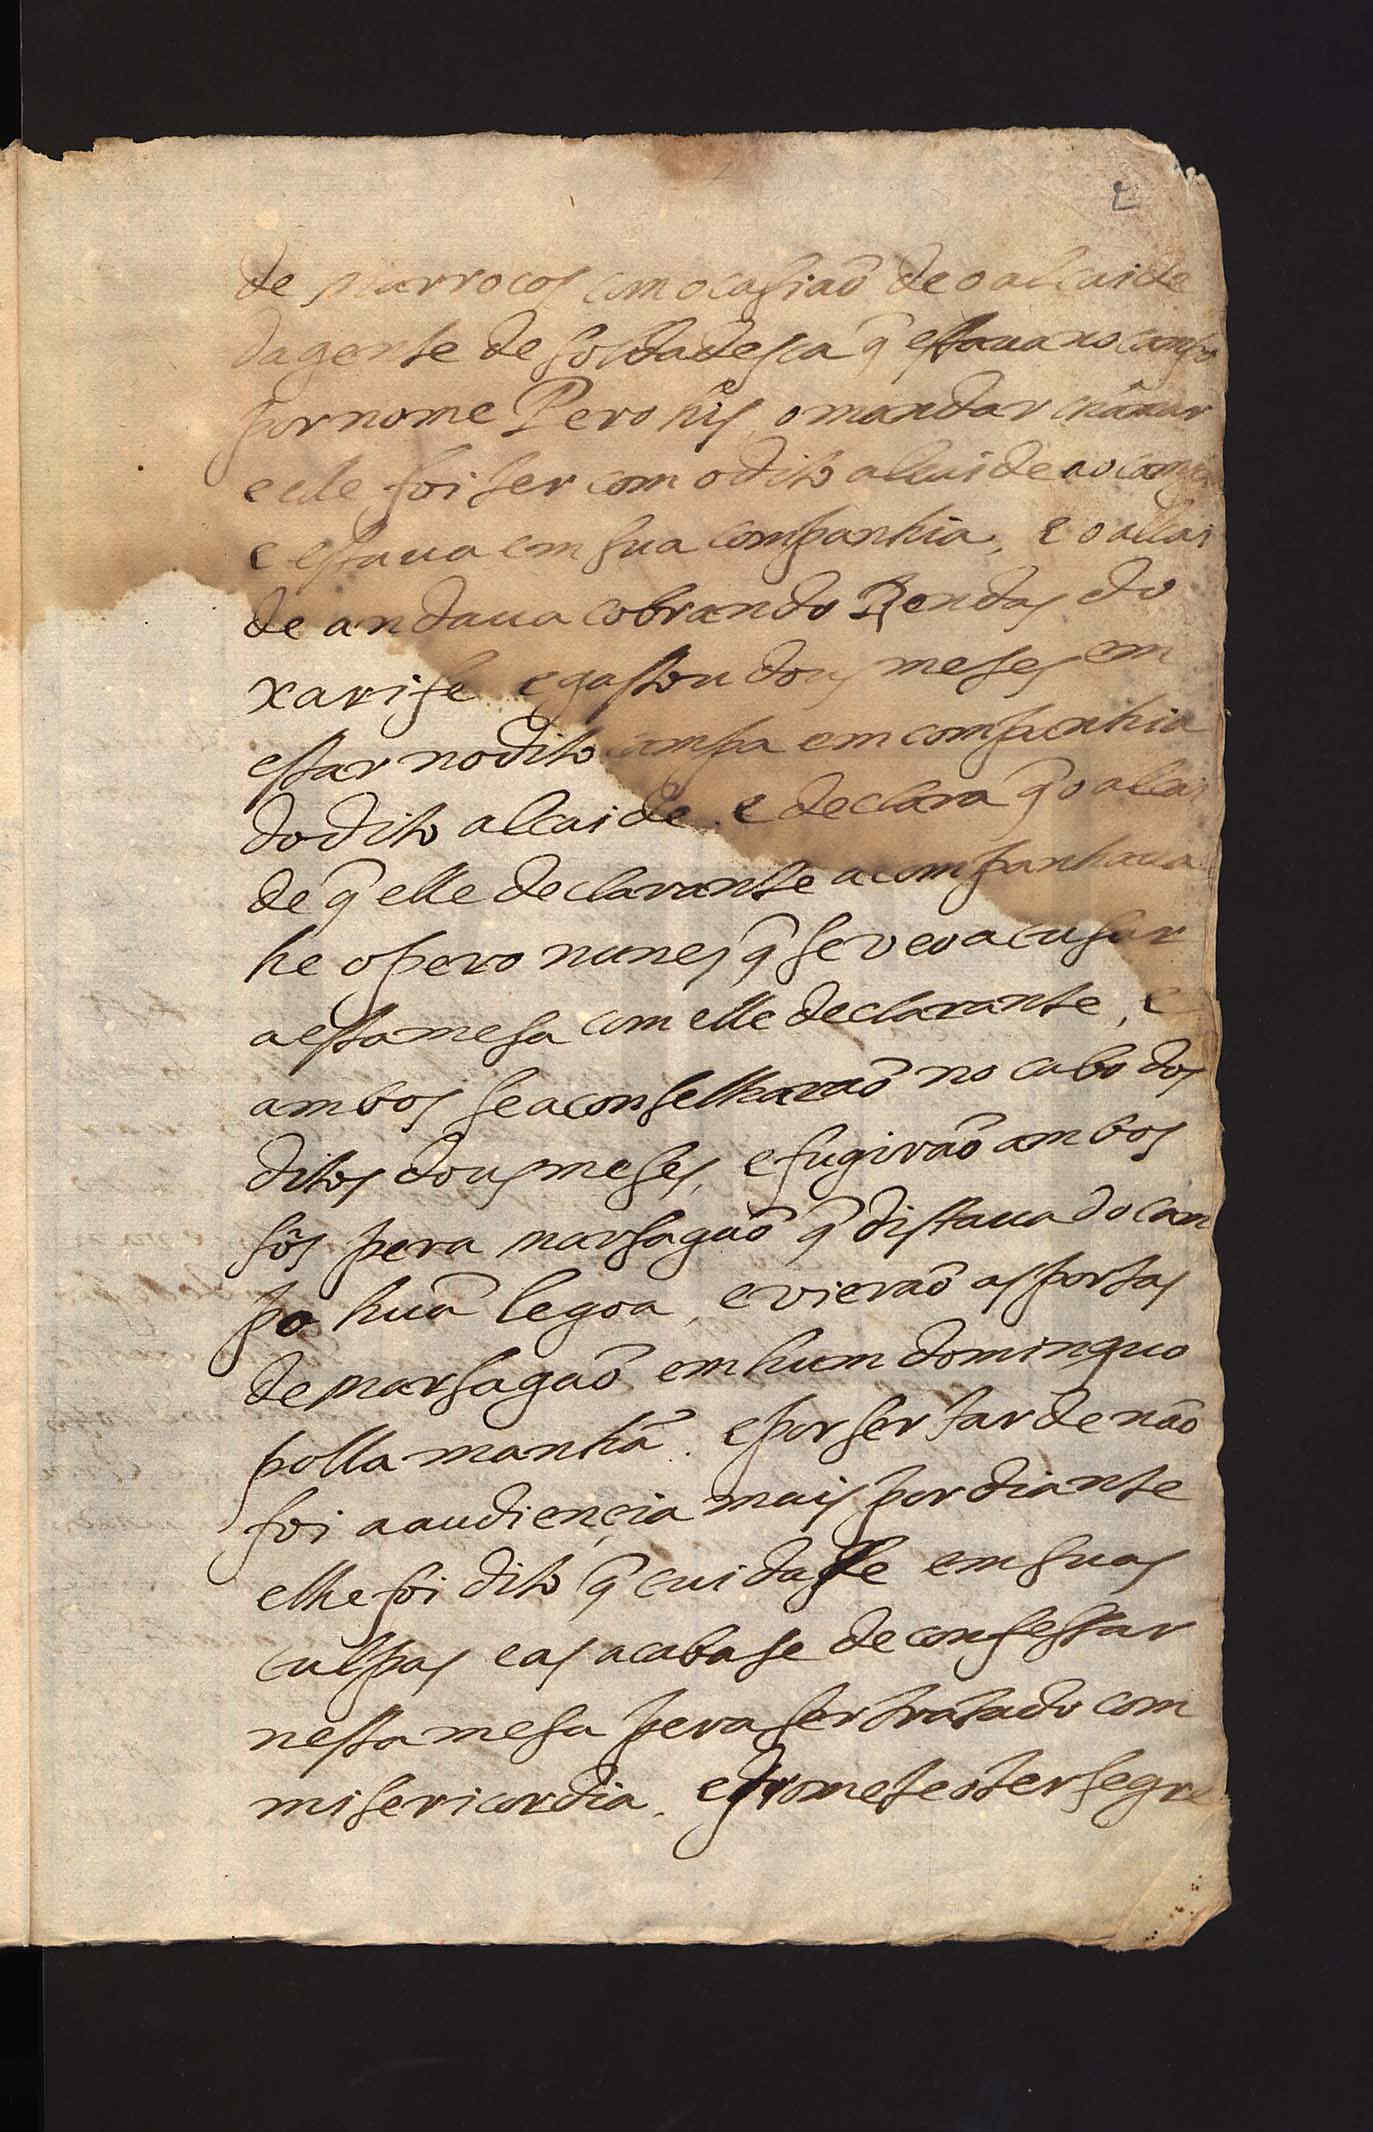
de Marrocos com ocasiaõ de o alcaide
da gente de soldadesca q̄ estaua no campo
por nome Pero his o mandar chamar
e elle foi ter com o dito alcaide ao campo
E estaua em sua companhia, E o alcai
de andaua cobrando Rendas do
xarife e gastou dous meses em
estar no dito campa em companhia
do dito alcaide e declara q̄ o alcai
de q̄ elle declarante acompanhaua
he o pero nunez q̄ se veo acusar
a esta mesa com elle declarante, E
ambos se aconselharaõ no cabo dos
ditos dous meses, e fugiraõ ambos
sôs pera marsagão q̄ distaua do cam
po huā legoa, e vieraõ as portas
de marsagaõ em hum dominguo
polla manhā E por ser tarde naõ
foi a audiencia mais por diante
e lhe foi dito q̄ cuidase em suas
culpas e as acabase de confessar
nesta mesa pera ser tratado com
misericordia, e prometeo ter segre
